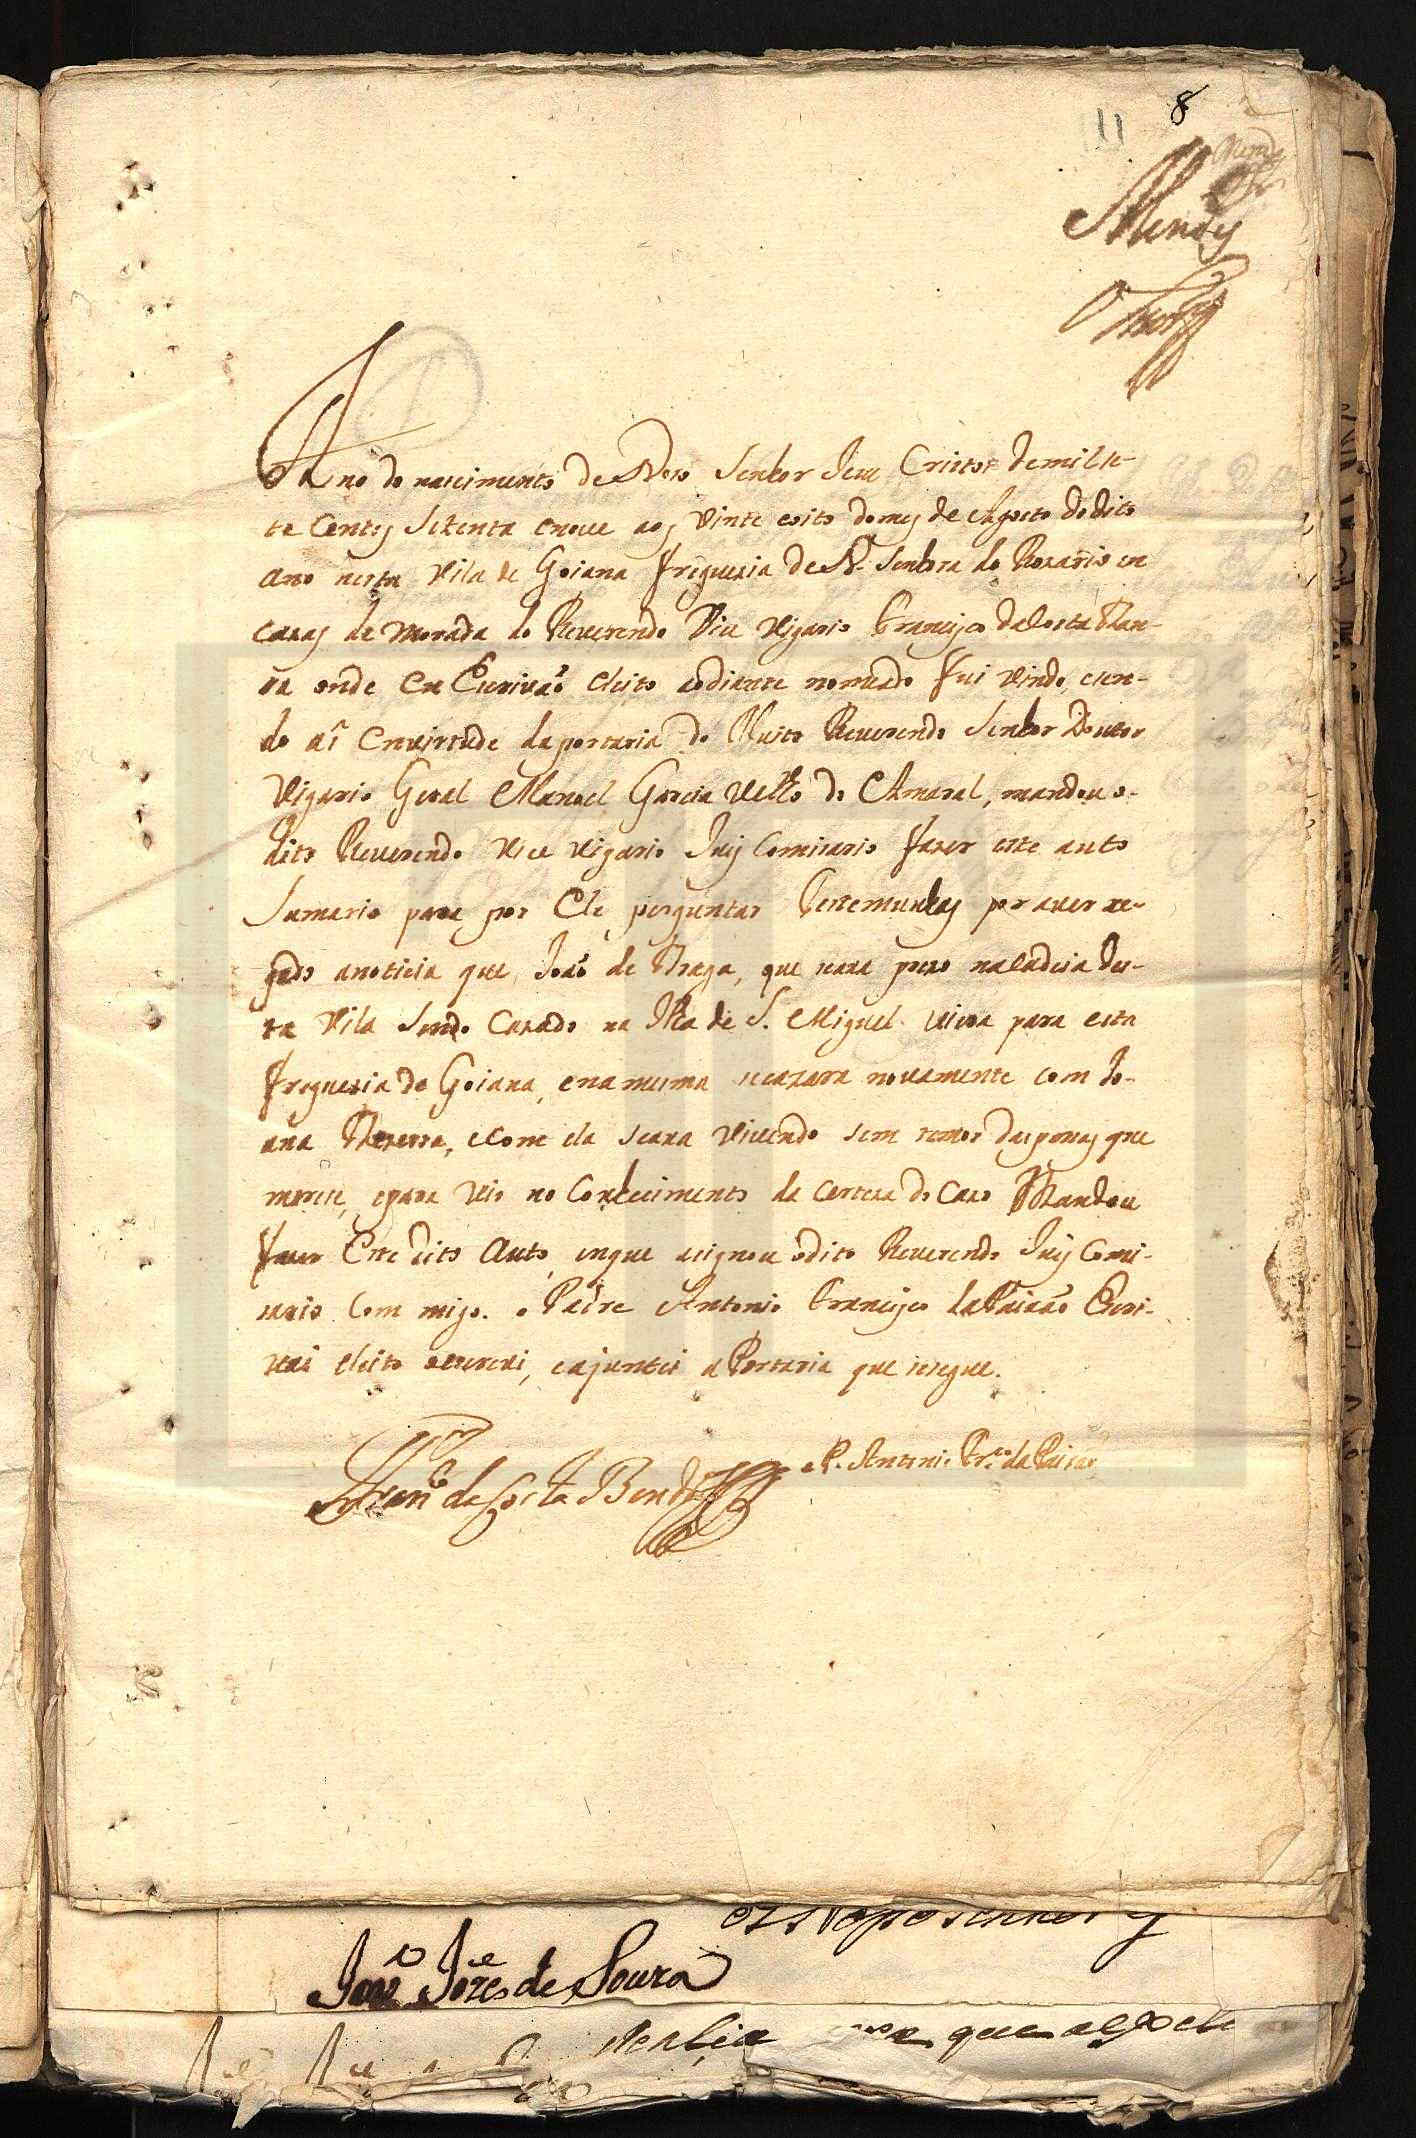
Mendes
Ano do nascimento de Noso Senhor Iesu Cristos de mil se
teCentos setenta e noue aos vinte e oito do mes de Agosto do dito
ano nesta Vila de Goiana freguezia de N. Senhora do Rozario en
cazas de morada do Reuerendo Vice Vigario Francisco da Costa Ban
ra onde eu Escrivaõ eleito aodiante nomeado fui vindo, e sen
do aî en virtude da portaria do Muito Reuerendo Senhor Doutor
Vigario Geral Manoel Garcia Velho do Amaral, mandou o
dito Reuerendo vice vigario Iuis Comisario fazer este auto
Sumario para por Ele perguntar Testemunhas por auer xe
gado a noticia que Ioaõ de Braga, que seaxa prezo na cadeia des
ta Vila sendo Cazado na Ilha de S. Miguel viera para esta
freguesia do Goiana, e na mesma secazara nouamente com Io
ana Thezerra, e com ela seaxa vivendo sem temor das penas que
merese, e para vir no Conhecimento da certeza do Cazo Mandou
fazer Este dito Auto, en que asignou o dito Reuerendo Iuis Comi
ssario Commigo. o Padre Antonio Francisco da Paixão Escri
uaõ eleito o escrevi, e ajuntei a Portaria que se segue.
o P. Antonio Fr.co da Paixão
Fran.co da Costa Bandra
Ioaõ Iozê de Souza
